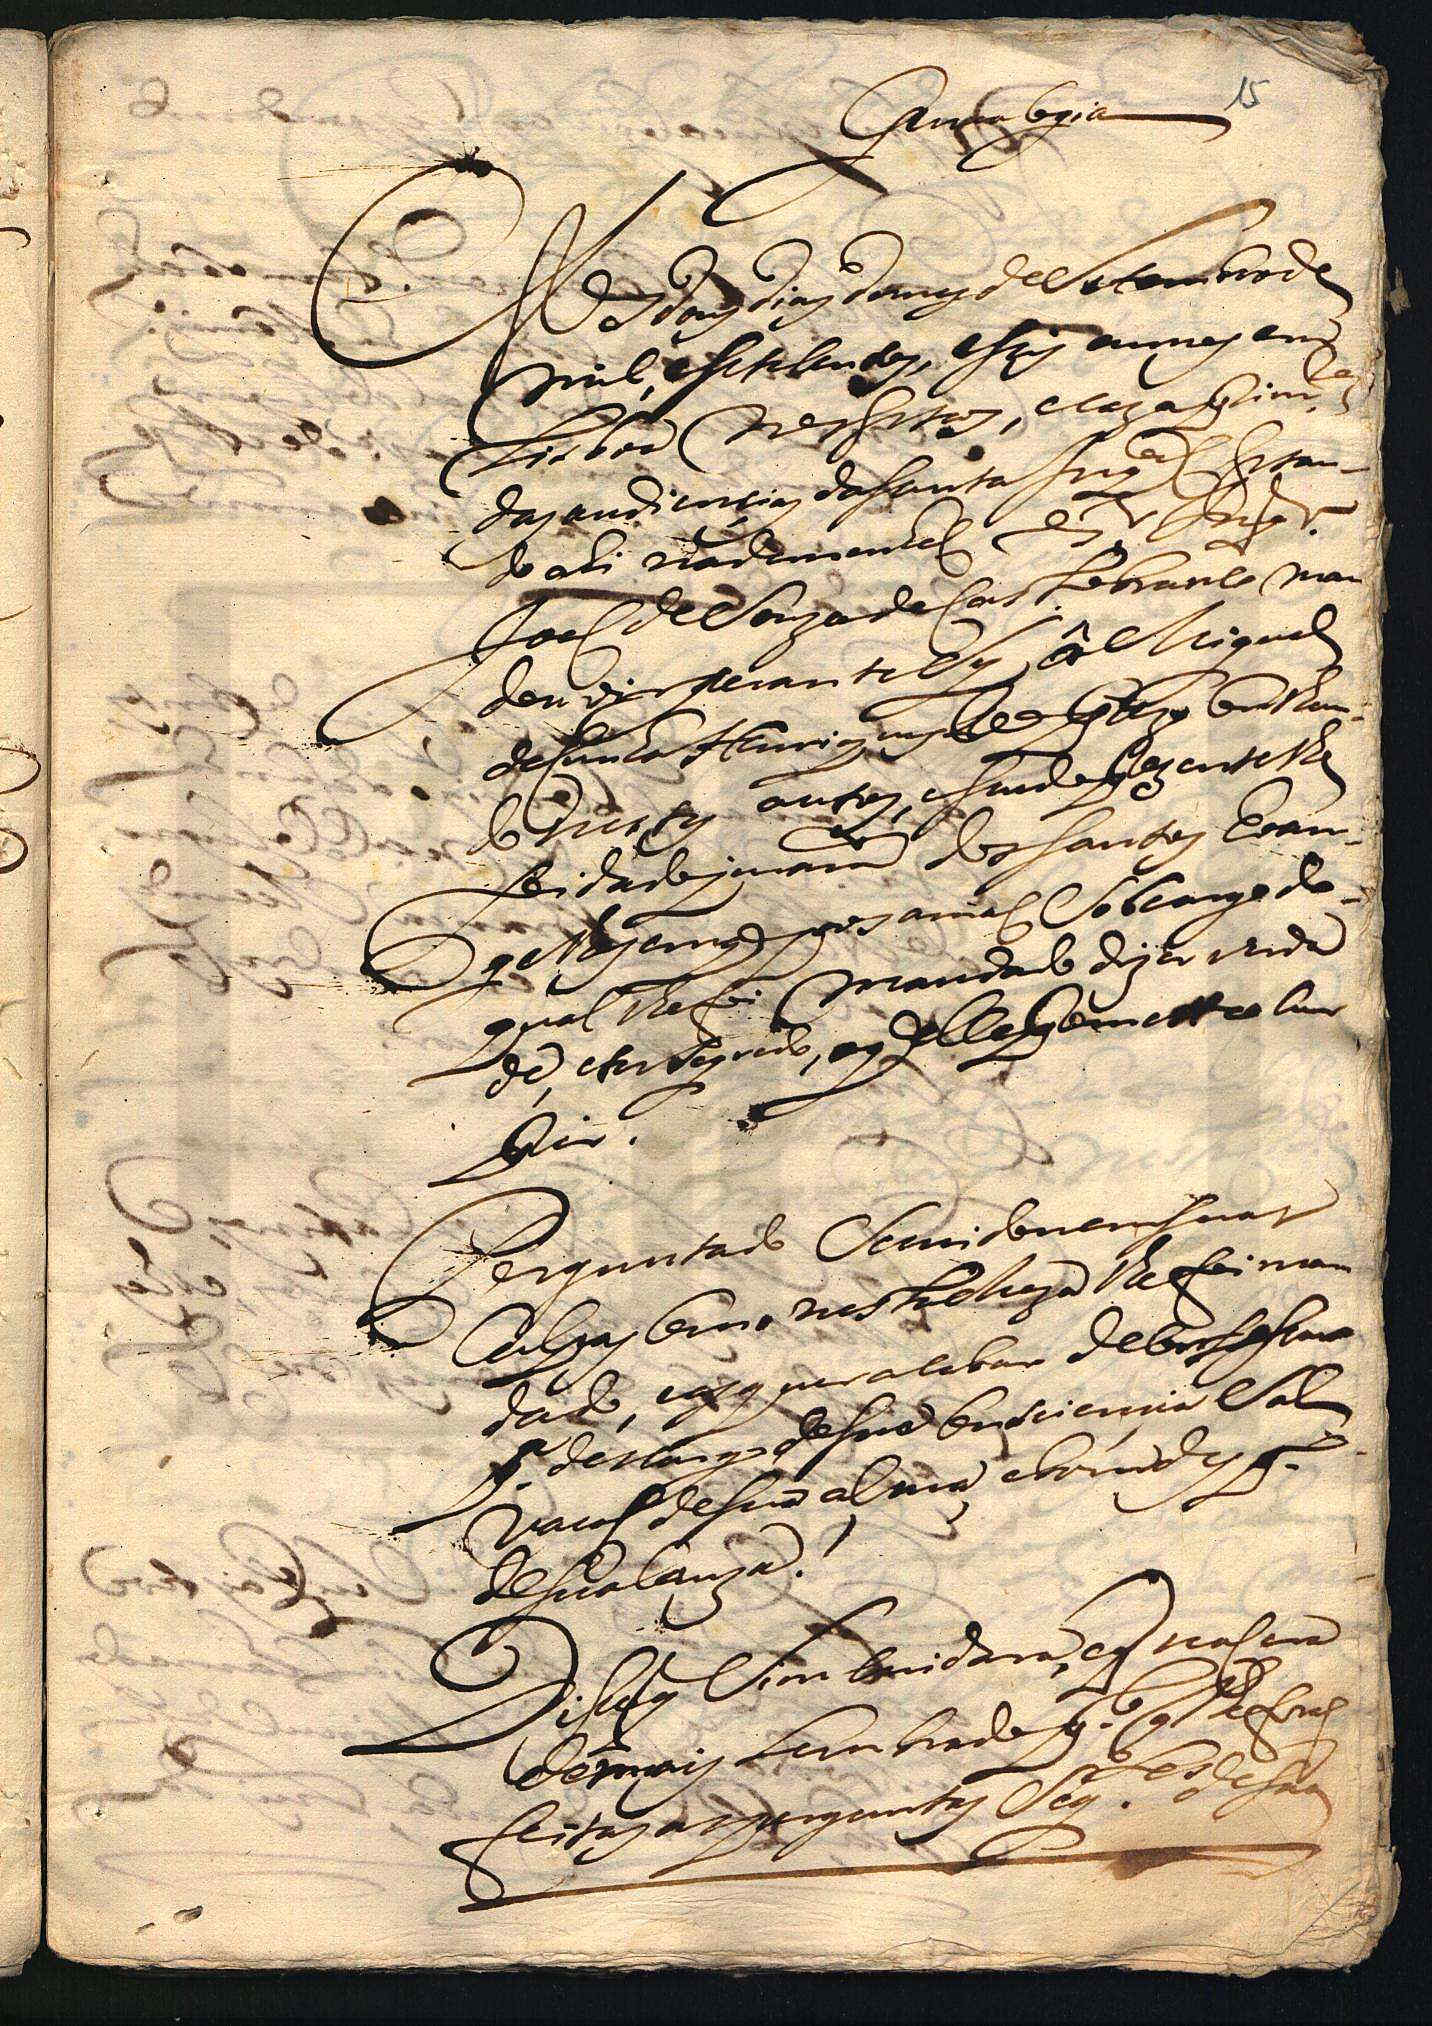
Genealogia
Aos dous dias do mes de Setembro de
mil, e setecentos, e seis aunos em
Lisboa nos estaos, e casa prim.ra
das audiencias da santa Jnqçaõ Estan
do ahi na de manhā o sr Inqor.
Joaõ de Souza de Cast.o branco man
dou vir perante Sy â Miguel
de Cunha Henriques Reo pRezo Contheu
do nestes autos, e sendo pRezente lhe
foi dado juramo dos santos Evam
gelhos em q̄ pos a maõ Sob cargo do
qual lhe foi mandado dizer verda
de, e ter segredo, o q̄ elle pRometteo cum
pRir.
Perguntado Se cuidou em suas
Culpas Como nesta Meza lhe foi man
dado, e as que acabar de confessar
p.a descargo de sua Consciencia Sal
vaçaõ de sua alma, e bom desp.o
de sua Cauza?
Disse q̄ Sim cuidara, e q̄ naõ era
de mais lembrado p.lo q̄ lhe foraõ
feitas as perguntas Seg.tes de sua
